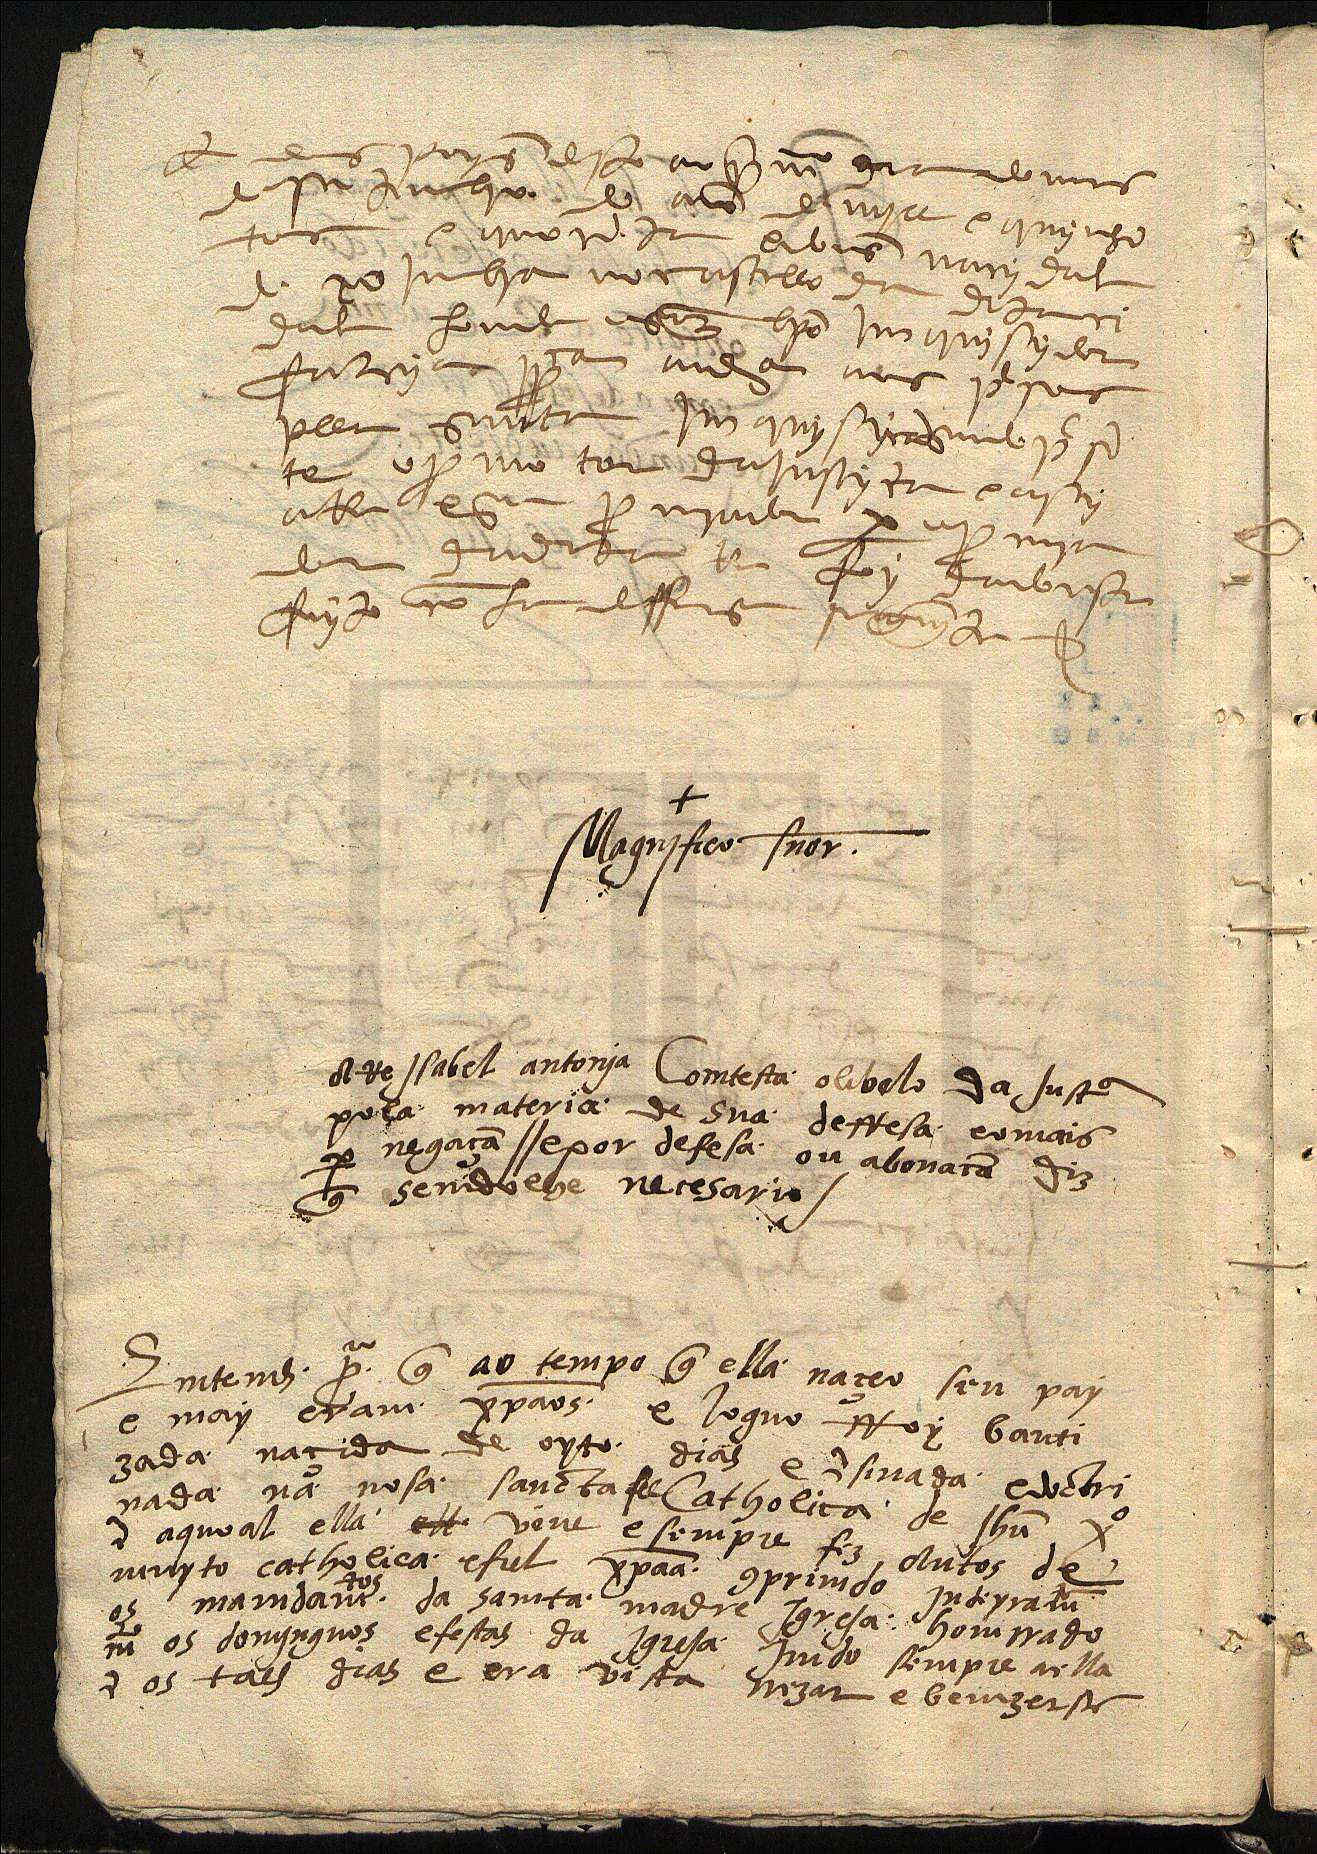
E despoys desto ao p̄mro dia do mes
de setenbro do anō de mjll e quynhē
tos e quorēta e dous na cydade
de coJnbra no castello da dita ci
dade honde o sōr bpō Jmqujsydor
fazya ꝓpca audja aos p̄sos
plla sancta Jmquysyçā sendo p̄sē
te o ꝓmotor da Justyça e asy
a Re e seu ꝓcurador ꝑ o ꝓcura
dor da dita Re foy dado este
feyto c̄o ha deffesa seguj̄te
Magnjfico snor̄.
A Re Jsabel antonja Comtesta o libelo da Justa
pola materia de sua deffesa. e o mais
ꝑ negaçā // e por defesa. ou abonaçā diz
q̄ sendolhe necesario /
Emtemdj ꝓ̄ q̄ ao tempo q̄ ella naceo seu pay
e may eram xpãos. e loguo ffoy bauti
zada na cidade oyto dias e ēsinada. e doctri
nada na nosa sancta fe Catholica de Jhū Xo
ē a quoal ell veue e sempre fez Autos de
muyto catholica. e fiel xpāa ꝯprimdo jnteyramte
os mandamtos. da samta madre Jgreja: homrrado
mto os domjnguos e festas da Jgreja. Jmdo sempre a ella
ē os taes dias e era vista rrezar e bemzerse
